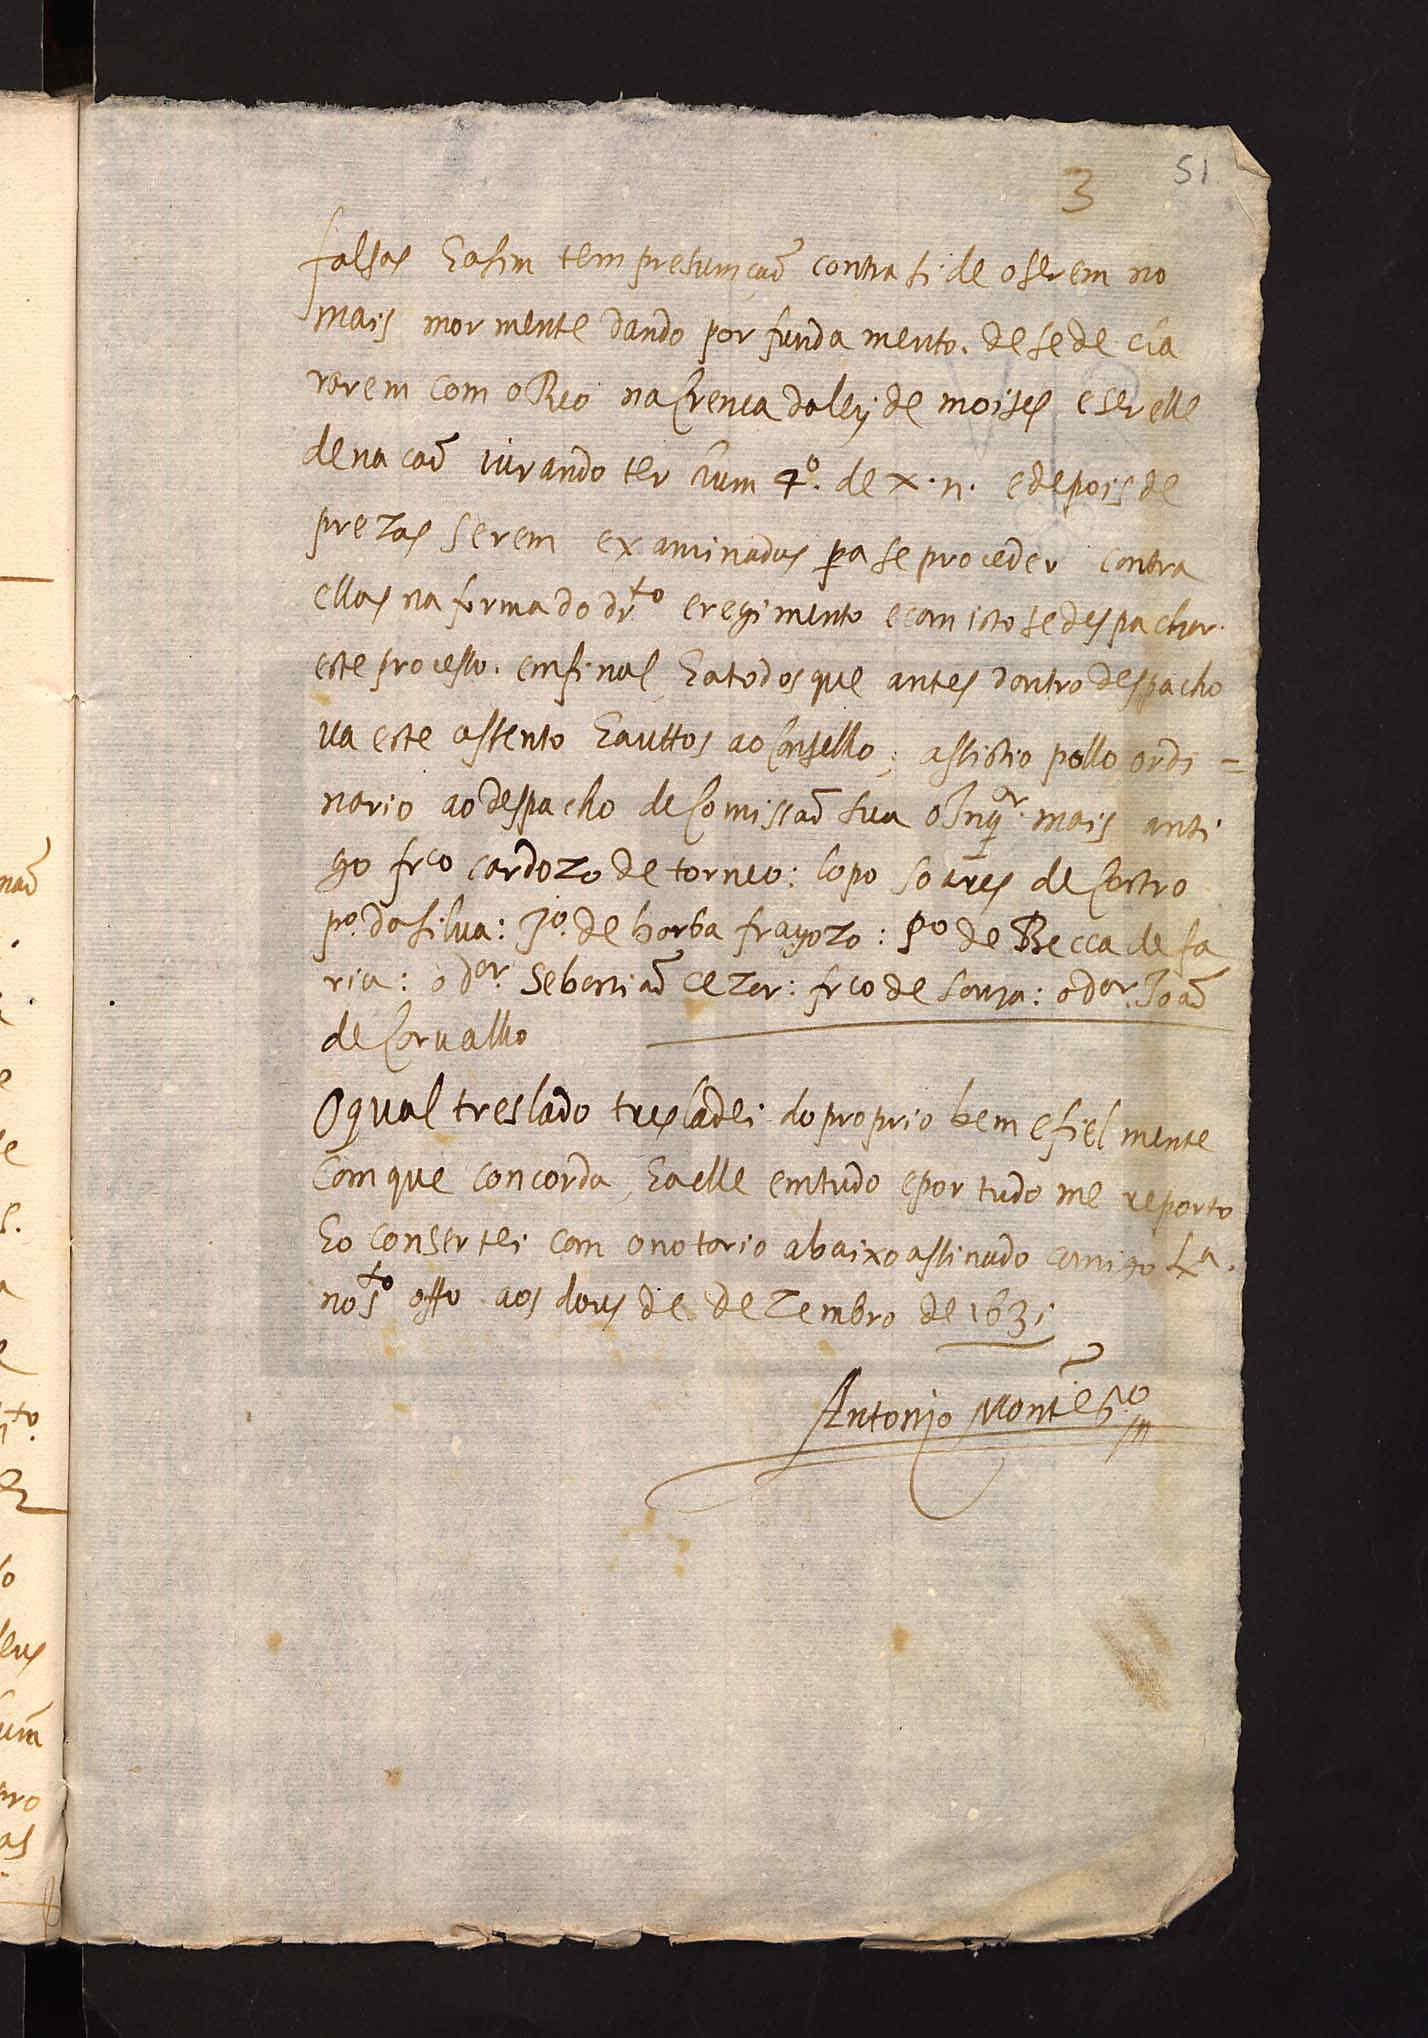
falsas E asim tem presumçaõ contra si de o serem no
mais mormente dando por fundamento de se decla
rarem com o Reo na Crenca da ley de moises e ser elle
de nacaõ iurando ter hum 4º. de x. n. e depois de
prezas serem examinadas ꝑa se proceder contra
ellas na forma do drto e regimento e com isto se despachar
este processo em final E a todos que antes doutro despacho
ua este assento E auttos ao Conselho; assistio pollo ordi
nario ao despacho de Comissaõ sua o Inqor. mais anti
go frco cardozo de torneo: lopo Soares de Castro
po. da Silua: Po. de borba fragozo: Po de Becca de fa
ria: o dor. Sebastiaõ cezar: frco de souza: o dor. Ioão
de Carualho
O qual treslado tresladei do proprio bem e fielmente
com que concorda, E a elle em tudo e por tudo me reporto
E o consertei com o notario abaixo assinado comigo Lxa.
no sto offo aos dous de dezembro de 1631
